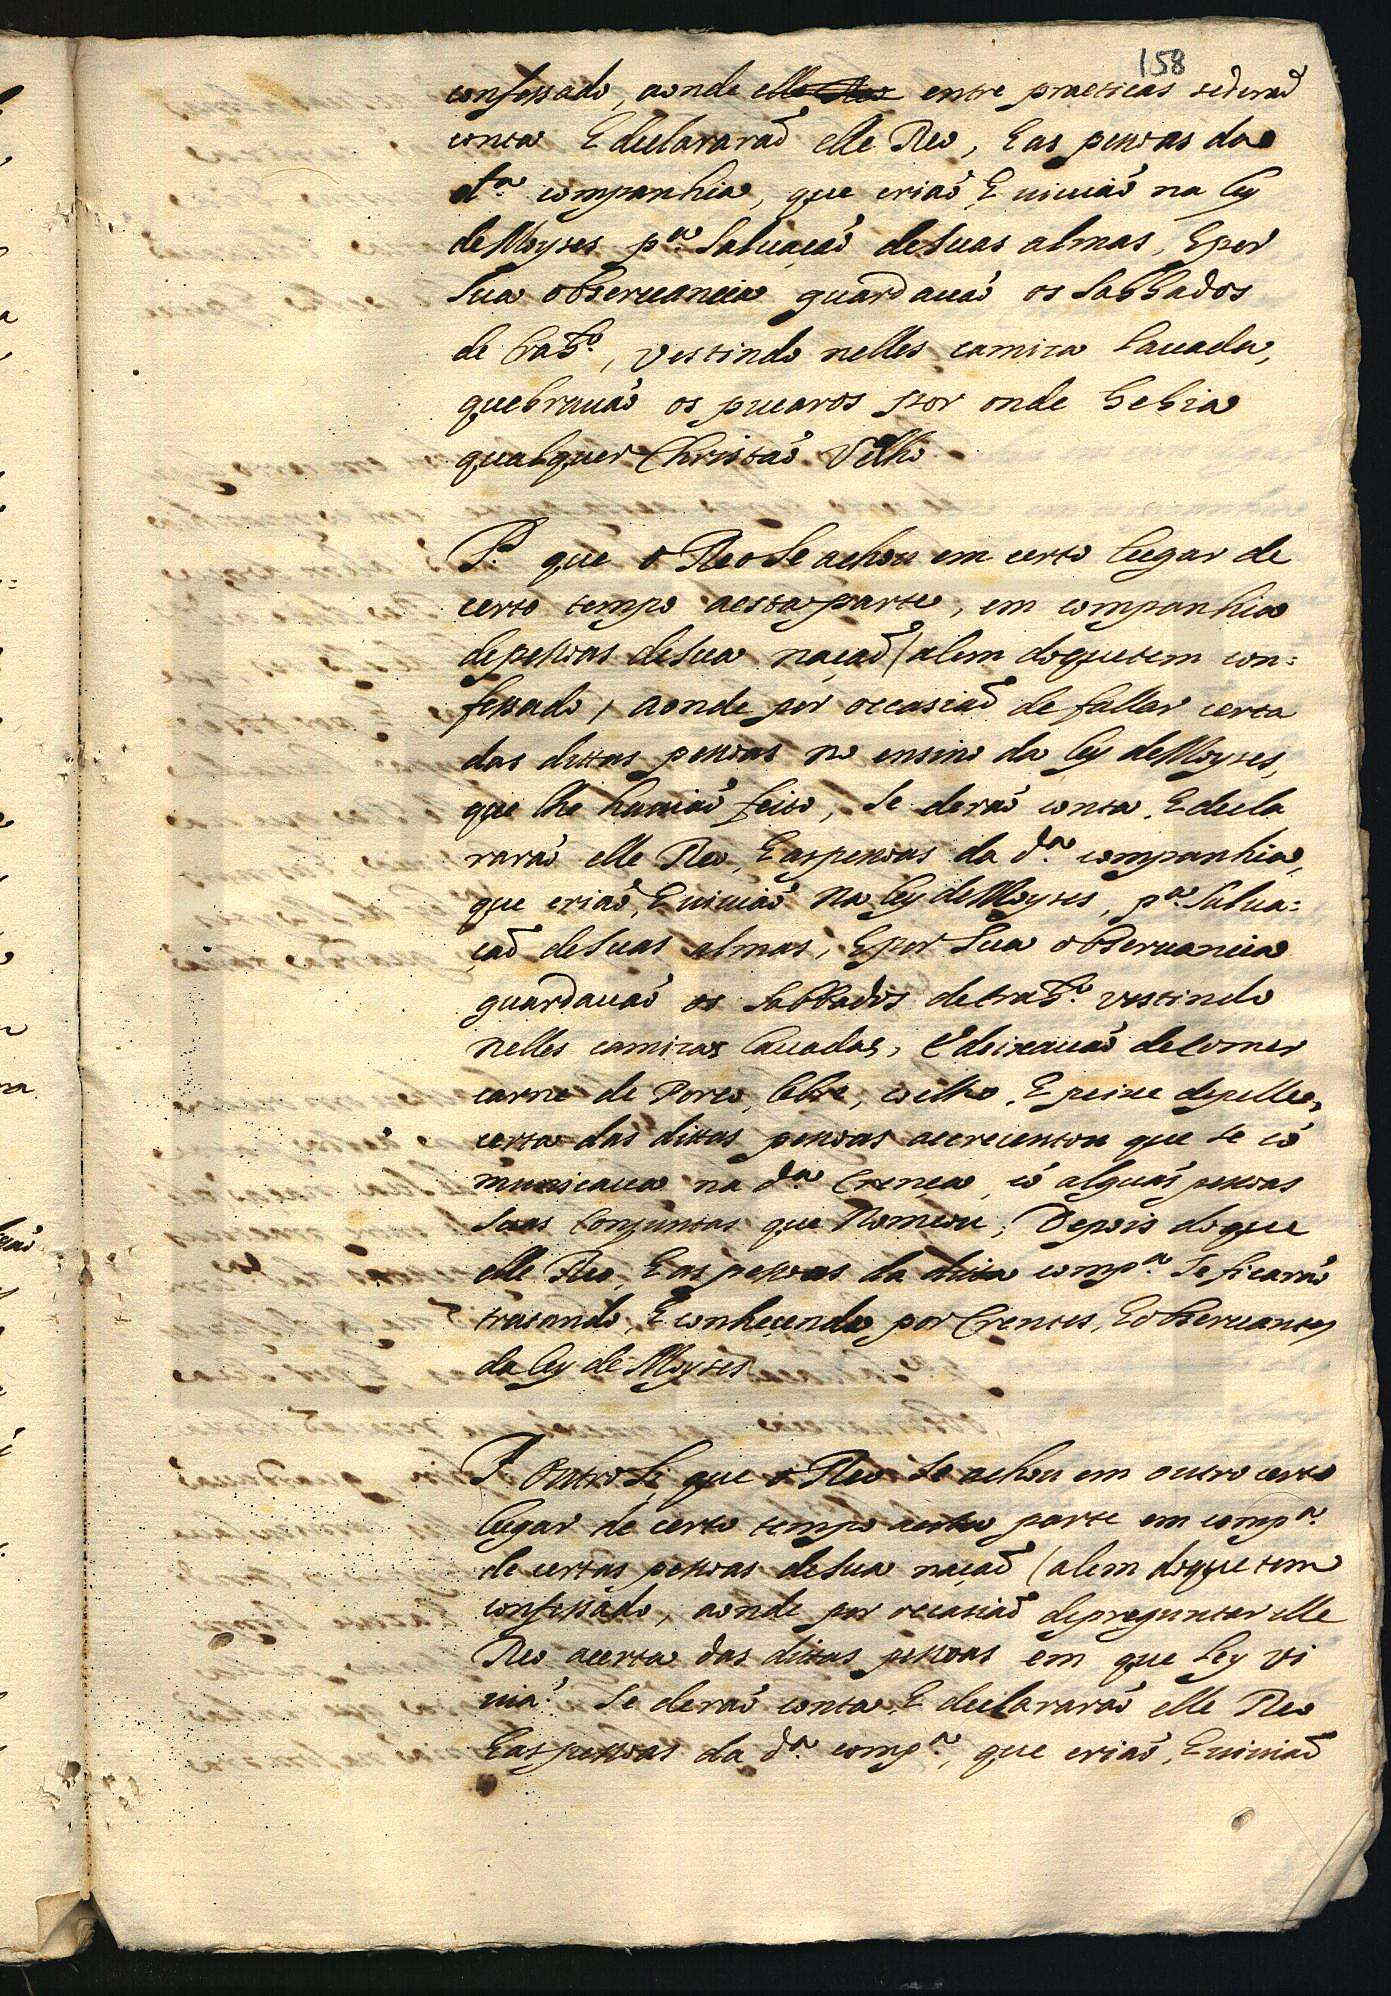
confessado, aonde elle Reo entre practicas se deraõ
conta E declararão elle Reo, E as pessoas da
d̄.a companhia, que criaõ, E uiuiaõ na ley
de Moyses pa saluaçaõ de suas almas, E por
sua obseruancia guardauaõ os sabbados
de trab.o, vestindo nelles camiza lauada,
quebrauaõ os pucaros por onde bebia
qualquer Christaõ Velho
P. que o Reo se achou em certo lugar de
certo tempo a esta parte, em companhia
de pessoas de sua naçaõ / alem do que tem con
fessado, aonde por occasiaõ de fallar certa
das dittas pessoas no ensino da ley de Moyzes,
que lhe hauiaõ feito, se deraõ conta E decla
raraõ elle Reo, E as pessoas da d.a companhia,
que criaõ, E uiuiaõ na ley de Moyzes pa. salua
çaõ de suas almas, E por sua obseruancia
guardauaõ os sabbados de trab.o vestindo
nelles camizas lauadas, E deixauaõ de comer
carne de Porco, lebre, coelho E peixe de pelle,
certa das dittas pessoas acrecentou que se co
municaua na d.a crença, cō alguas̄ pessoas
suas conjuntas que Nomeou, depois do que
elle Reo, E as pessoas da dita comp.a se ficaraõ
tratando, E conhecendo por Crentes, E obseruantes
da ley de Moyses
P. Outrosi que o Reo se achou em outro certo
lugar de certo tempo a esta parte em comp.a
de certas pessoas de sua naçaõ / alem do que tem
confessado, aonde por occasiaõ de preguntar elle
Reo acerca das dittas pessoas em que ley vi
uia? se deraõ conta E declararão elle Reo
E as pessoas da d.a comp.a, que criaõ, E uiuiaõ
